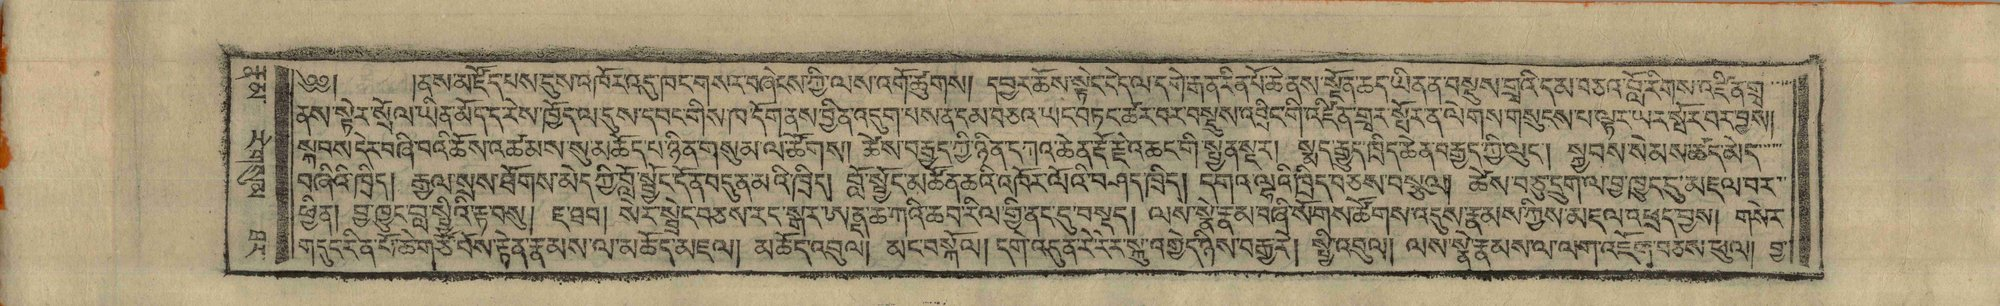༄༅། །ནས་མཛོད་པས་དུས་འཁོར་འདུ་ཁང་གསར་བཞེངས་ཀྱི་ལས་འགོ་ཚུགས། དབྱར་ཆོས་སྟེང་ངེད་ལ་དགེ་རྒན་རིན་པོ་ཆེ་ནས་སྔོན་ཆད་ཡིན་ན་བསྡུས་གྲྭའི་དམ་བཅའ་བློ་རིགས་འཛིན་གྲྭ་
ནས་སྟེར་སྲོལ་ཡིན་མོད་ད་རེས་ཁྱོད་ལ་དུས་དབང་གིས་ཁ་དོག་ནས་བྱིན་འདུག་པས་ན་དམ་བཅའ་ཡང་བཏང་ཚར་བར་བསྡུས་འབྲིང་གི་འཛིན་གྲྭར་སྤོར་ན་ལེགས་གསུངས་པ་ལྟར་ཡར་སྦོར་བར་བྱས།
སྐབས་དེར་བཞི་བའི་ཆོས་འཚམས་སུ་མཆོད་པ་ཉིན་གསུམ་ལ་ཚོགས། ཚེས་བརྒྱད་ཀྱི་ཉིན་དཀའ་ཆེན་རྡོ་རྗེ་འཆང་གི་སྤྱན་སྔར། སྨད་རྒྱུད་ཁྲིད་ཆེན་བརྒྱད་ཀྱི་ལུང་། སྐྱབས་སེམས་ཚད་མེད་
བཞིའི་ཁྲིད། རྒྱལ་སྲས་ཐོགས་མེད་ཀྱི་བློ་སྦྱོང་དོན་བདུན་མའི་ཁྲིད། བློ་སྦྱོང་མཚོན་ཆའི་འཁོར་ལོའི་བཤད་ཁྲིད། དགའ་ལྷའི་ཁྲིད་བཅས་བསྩལ། ཚེས་བཅུ་དྲུག་ལ་བྱ་ཁྱུང་དུ་མཇལ་བར་
ཕྱིན། བྱ་ཁྱུང་བླ་སྤྱིའི་རྟ་བསུ། ཇ་ཐབ། སེར་སྦྲེང་བཅས་རང་སྒར་ཨནྡ་ཆ་ཀའི་ཆབ་རིལ་གྱི་ནང་དུ་བསྡད། ལས་སྣེ་རྣམ་བཞི་སོགས་ཚོགས་འདུས་རྣམས་ཀྱིས་མཇལ་འཕྲད་བྱས། གསེར་
གདུང་རིན་པོ་ཆེ་གཙོ་བོས་རྟེན་རྣམས་ལ་མཆོད་མཇལ། མཚོད་འབུལ། མང་བསྐོལ། དགེ་འདུན་རེ་རེར་སྐུ་འགྱེད་ཉིས་བརྒྱ་རེ། སྤྱི་འབུལ། ལས་སྣེ་རྣམས་ལ་ལག་འཇོག་བཅས་ཕུལ། བྱ་